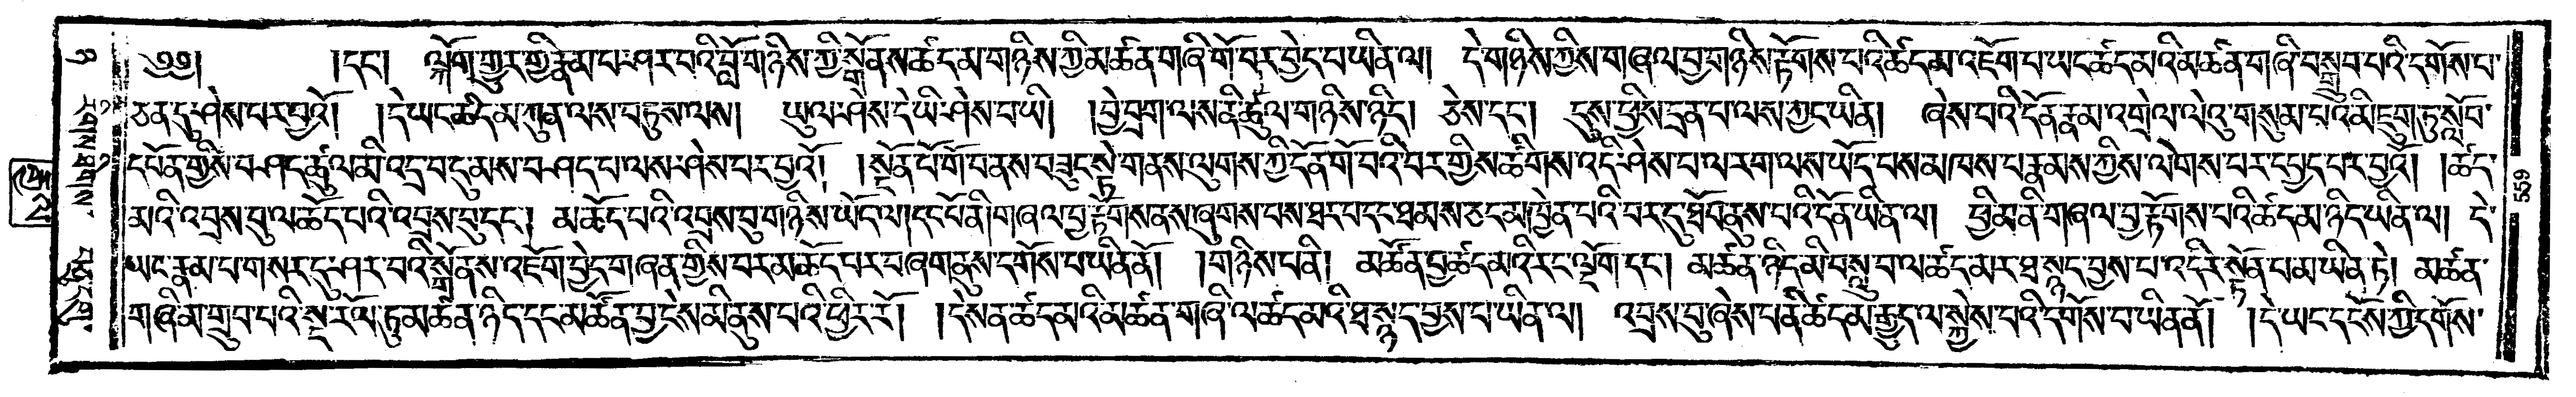༄༅། །དང་། ལྐོག་གྱུར་གྱི་རྣམ་པ་ཤར་བའི་བློ་གཉིས་ཀྱི་སྒོ་ནས་ཚད་མ་གཉིས་ཀྱི་མཚན་གཞི་གོ་བར་བྱེད་པ་ཡིན་ལ། དེ་གཉིས་ཀྱིས་གཞལ་བྱ་གཉིས་རྟོགས་པའི་ཚད་མ་འཇོག་པ་ཡང་ཚད་མའི་མཚན་གཞི་བསྒྲུབ་པའི་དགོས་པ་
ཅན་དུ་ཤེས་པར་བྱའོ། །དེ་ཡང་ཚད་མ་ཀུན་ལས་བཏུས་ལས། ཡུལ་ཤེས་དེ་ཡི་ཤེས་པ་ཡི། །བྱེ་བྲག་ལས་ནི་ཚུལ་གཉིས་ཉིད། ཅེས་དང་། དུས་ཕྱིས་དྲན་པ་ལས་ཀྱང་ཡིན། ཞེས་པའི་དོན་རྣམ་འགྲེལ་ལེའུ་གསུམ་པའི་མཇུག་ཏུ་སློབ་
དཔོན་གྱིས་བཤད་ཚུལ་མི་འདྲ་བ་དུ་མས་བཤད་པ་ལས་ཤེས་པར་བྱའོ། །སྔོན་པོ་གོ་བ་ནས་བཟུང་སྟེ་གནས་ལུགས་ཀྱི་དོན་གོ་བའི་བར་གྱིས་ཚིགས་འདི་ཤེས་པ་ལ་རག་ལས་ཡོད་པས་མཁས་པ་རྣམས་ཀྱིས་ལེགས་པར་དཔྱད་པར་བྱའོ། །ཚད་
མའི་འབྲས་བུ་ལ་ཆོད་པའི་འབྲས་བུ་དང་། མ་ཆོད་པའི་འབྲས་བུ་གཉིས་ཡོད་ལ། དང་པོ་ནི། གཞལ་བྱ་རྟོགས་ནས་ཞུགས་པས་ཐར་པ་དང་ཐམས་ཅད་མཁྱེན་པའི་བར་དུ་ཐོབ་ནུས་པའི་དོན་ཡིན་ལ། ཕྱི་མ་ནི་གཞལ་བྱ་རྟོགས་པའི་ཚད་མ་ཉིད་ཡིན་ལ། དེ་
ཡང་རྣམ་པ་གསར་དུ་ཤར་བའི་སྒོ་ནས་འཇོག་བྱེད་གཞན་གྱིས་བར་མ་ཆོད་པར་བཞག་ནུས་དགོས་པ་ཡིན་ནོ། །གཉིས་པ་ནི། མཚོན་བྱ་ཚད་མའི་རང་ལྡོག་དང་། མཚན་ཉིད་མི་བསླུ་བ་ལ་ཚད་མར་ཐ་སྙད་བྱས་པ་འདིར་སྟོན་པ་མ་ཡིན་ཏེ། མཚན་
གཞི་མ་གྲུབ་པའི་སྔ་རོལ་ཏུ་མཚན་ཉིད་དང་མཚོན་བྱ་ངེས་མི་ནུས་པའི་ཕྱིར་རོ། །དེས་ན་ཚད་མའི་མཚན་གཞི་ལ་ཚད་མའི་ཐ་སྙད་བྱས་པ་ཡིན་ལ། འབྲས་བུ་ཞེས་པ་ནི་ཚད་མ་རྒྱུད་ལ་སྐྱེས་པའི་དགོས་པ་ཡིན་ནོ། །དེ་ཡང་དངོས་ཀྱི་དགོས་